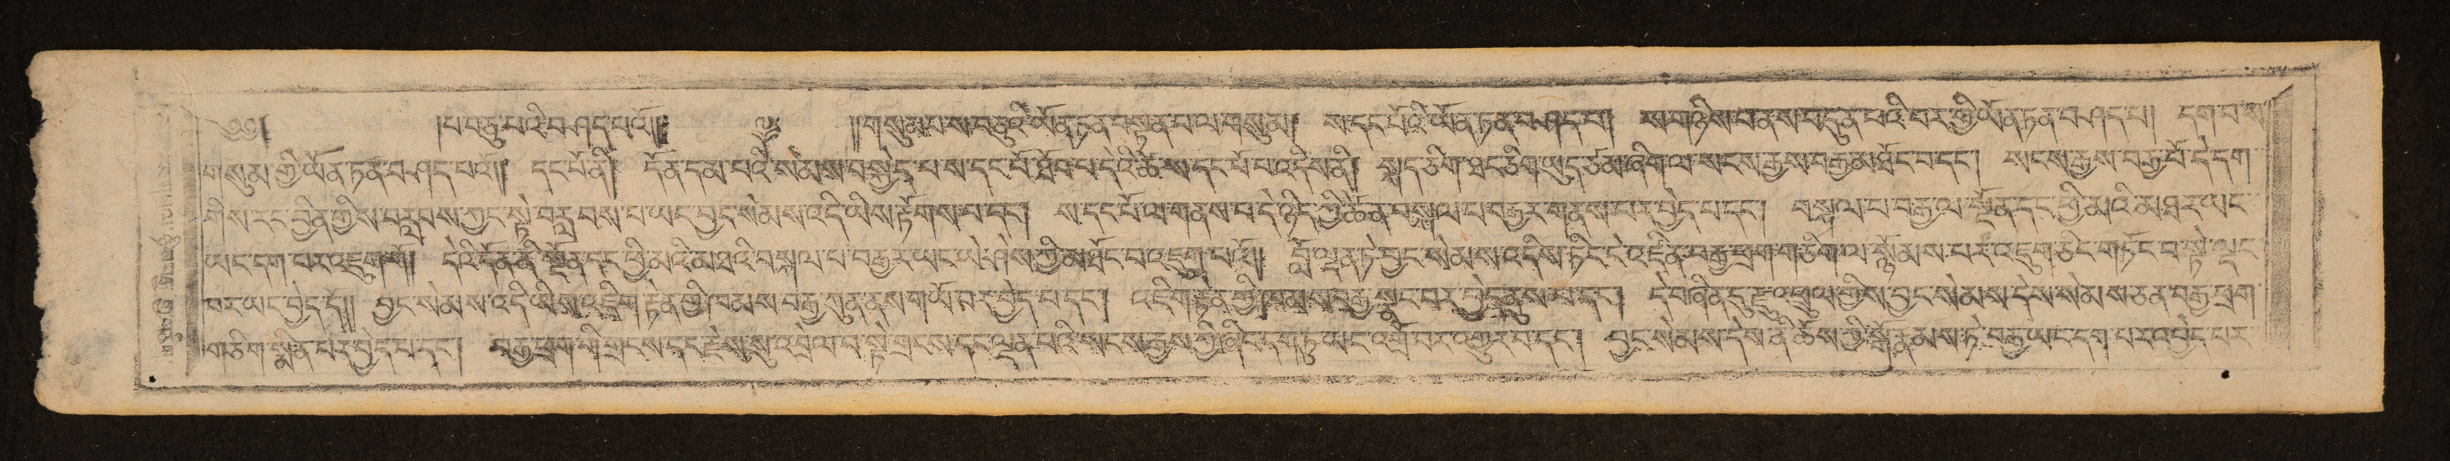༄༅། །པ་བཅུ་པའི་བཤད་པའོ།། ༈ །།གསུམ་པ་ས་བཅུའི་ཡོན་ཏན་བསྟན་པ་ལ་གསུམ། ས་དང་པོའི་ཡོན་ཏན་བཤད་པ། ས་གཉིས་པ་ནས་བདུན་པའི་བར་གྱི་ཡོན་ཏན་བཤད་པ། དག་པ་ས་
གསུམ་གྱི་ཡོན་ཏན་བཤད་པའོ།། དང་པོ་ནི། དོན་དམ་པའི་སེམས་བསྐྱེད་པ་ས་དང་པོ་ཐོབ་པ་དེའི་ཚེ་ས་དང་པོ་པ་འདིས་ནི། །སྐད་ཅིག་ཐང་ཅིག་ཡུད་ཙམ་ཞིག་ལ་སངས་རྒྱས་བརྒྱ་མཐོང་བ་དང་། སངས་རྒྱས་བརྒྱ་པོ་དེ་དག་
གིས་རང་བྱིན་གྱིས་བརླབས་ཀྱང་སྟེ་བརླབས་པ་ཡང་བྱང་སེམས་འདི་ཡིས་རྟོགས་པ་དང་། ས་དང་པོ་ལ་གནས་པ་དེ་ཉིད་ཀྱི་ཚེ་ན་བསྐལ་པ་བརྒྱར་གནས་པར་བྱེད་པ་དང་། བསྐལ་པ་བརྒྱ་ལ་སྔོན་དང་ཕྱི་མའི་མཐར་ཡང་
ཡང་དག་པར་འཇུག་གོ། དེའི་དོན་ནི་སྔོན་དང་ཕྱི་མའི་མཐའི་བསྐལ་པ་བརྒྱར་ཡང་ཡེ་ཤེས་ཀྱི་མཐོང་བ་འཇུག་པའོ།། བློ་ལྡན་ཏེ་བྱང་སེམས་འདིས་ཏིང་ངེ་འཛིན་བརྒྱ་ཕྲག་གཅིག་ལ་སྙོམས་པར་འཇུག་ཅིང་གཏོང་བ་སྟེ་ལྡང་
བར་ཡང་བྱེད་དོ།། བྱང་སེམས་འདི་ཡིས་འཇིག་རྟེན་གྱི་ཁམས་བརྒྱ་ཀུན་ནས་གཡོ་བར་བྱེད་པ་དང་། འཇིག་རྟེན་གྱི་ཁམས་བརྒྱ་སྣང་བར་བྱེད་ནུས་པ་དང་། དེ་བཞིན་དུ་རྫུ་འཕྲུལ་གྱིས་བྱང་སེམས་དེས་སེམས་ཅན་བརྒྱ་ཕྲག་
གཅིག་སྨིན་པར་བྱེད་པ་དང་། བརྒྱ་ཕྲག་གི་གྲངས་དང་རྗེས་སུ་འབྲེལ་བ་སྟེ་གྲངས་དང་ལྡན་པའི་སངས་རྒྱས་ཀྱི་ཞིང་དག་ཏུ་ཡང་འགྲོ་བར་འགྱུར་བ་དང་། བྱང་སེམས་དེས་ནི་ཆོས་ཀྱི་སྒོ་རྣམས་ཏེ་བརྒྱ་ཡང་དག་པར་འབྱེད་པར་